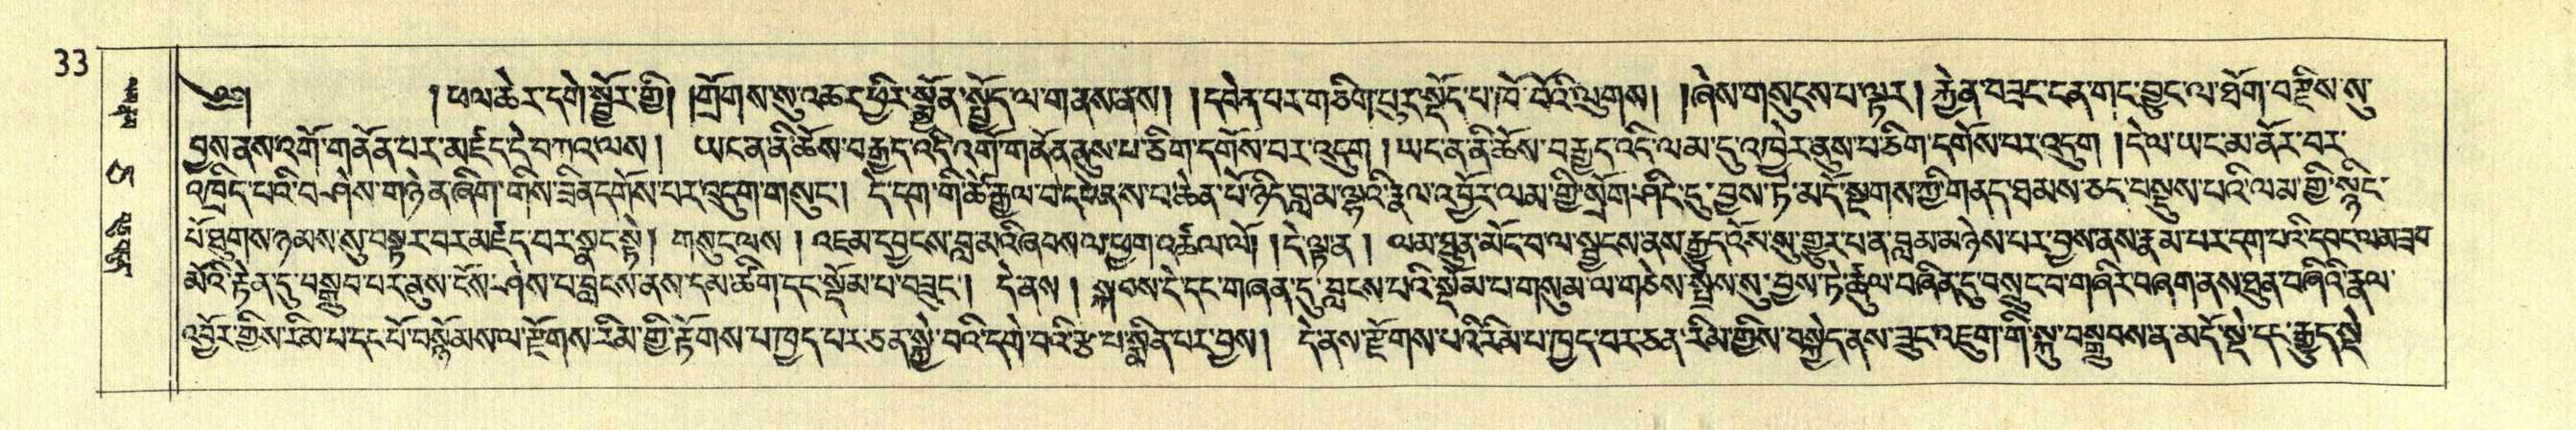༄༅། །ཕལ་ཆེར་དགེ་སྦྱོར་གྱི། །གྲོགས་སུ་འཆར་ཕྱིར་སྨྱོན་སྤྱོད་ལ་གནས་ནས། །དབེན་པར་གཅིག་པུར་སྡོད་པ་ཁོ་བོའི་ལུགས། །ཞེས་གསུངས་པ་ལྟར། རྐྱེན་བཟང་ངན་གང་བྱུང་ལ་ཐོག་བརྫིས་སུ་
བྱས་ནས་འོག་གནོན་པར་མཛད་དེ་བཀའ་ལས། ཡང་ན་ནི་ཆོས་བརྒྱད་འདི་འགོ་གནོན་ནུས་པ་ཅིག་དགོས་པར་འདུག །ཡང་ན་ནི་ཆོས་བརྒྱད་འདི་ལམ་དུ་འཁྱེར་ནུས་པ་ཅིག་དགོས་པར་འདུག །དེ་ལ་ཡང་མ་ནོར་བར་
འཁྲིད་པའི་བཤེས་གཉེན་ཞིག་གིས་ཟིན་དགོས་པར་འདུག་གསུང་། དེ་དག་གི་ཚེ་རྒྱལ་བ་དཔེན་ས་པ་ཆེན་པོ་ཉིད་བླ་མ་ལྷའི་རྣལ་འབྱོར་ལམ་གྱི་སྲོག་ཤིང་དུ་བྱས་ཏེ་མདོ་སྔགས་ཀྱི་གནད་ཐམས་ཅད་བསྡུས་པའི་ལམ་གྱི་སྙིང་
པོ་ཐུགས་ཉམས་སུ་བསྟར་བར་མཛད་པར་སྣང་སྟེ། གསུང་ལས། འཇམ་དབྱངས་བླ་མའི་ཞབས་ལ་ཕྱག་འཚལ་ལོ། །དེ་ལྟ་ན། ལམ་ཐུན་མོང་བ་ལ་སྦྱངས་ནས་རྒྱུད་འོས་སུ་གྱུར་པ་ན་བླ་མ་མཉེས་པར་བྱས་ནས་རྣམ་པར་དག་པའི་དབང་ལམ་ཟབ་
མོའི་རྟེན་དུ་བསྒྲུབ་པར་ནུས་ངོས་ཤེས་པ་བླངས་ནས་དམ་ཚིག་དང་སྡོམ་པ་བཟུང་། དེ་ནས། སྐབས་དེ་དང་གཞན་དུ་བླངས་པའི་སྡོམ་པ་གསུམ་ལ་གཅེས་སྤྲས་སུ་བྱས་ཏེ་ཚུལ་བཞིན་དུ་བསྲུང་བ་གཞིར་བཞག་ནས་ཐུན་བཞིའི་རྣལ་
འབྱོར་གྱིས་རིམ་པ་དང་པོ་བསྙོམས་ལ་རྫོགས་རིམ་གྱི་རྟོགས་པ་ཁྱད་པར་ཅན་སྐྱེ་བའི་དགེ་བའི་རྩ་པ་སྨིན་པར་བྱས། དེ་ནས་རྫོགས་པའི་རིམ་པ་ཁྱད་པར་ཅན་རིམ་གྱིས་བསྐྱེད་ནས་ཟུང་འཇུག་གི་སྐུ་བསྒྲུབས་ན་མདོ་སྡེ་དང་རྒྱུད་སྡེ་